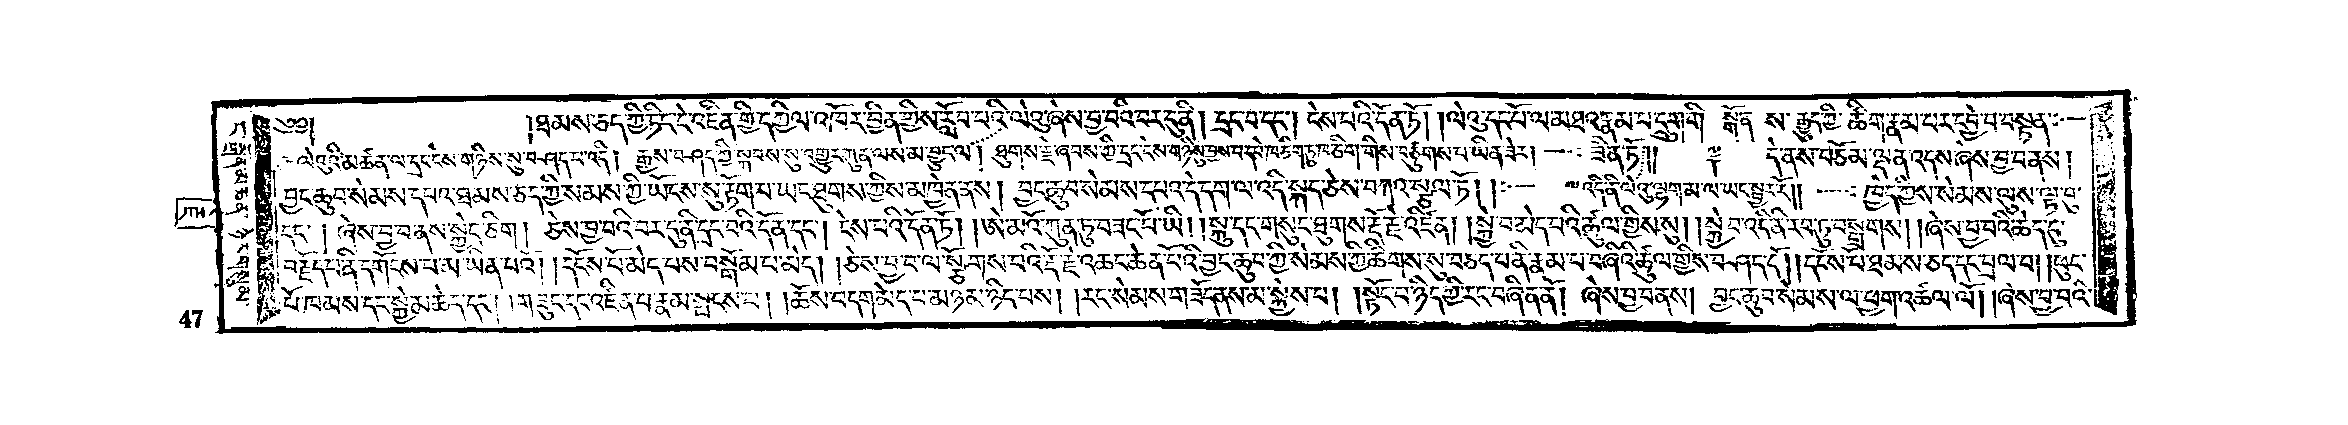༄༅། །ཐམས་ཅད་ཀྱི་ཏིང་ངེ་འཛིན་གྱི་དཀྱིལ་འཁོར་བྱིན་གྱིས་རློབ་པའི་ལེའུ་ཞེས་བྱ་བའི་བར་དུ་ནི། དྲང་བ་དང་། ངེས་པའི་དོན་ཏོ། །ལེའུ་དང་པོ་ལ་མཐའ་རྣམ་པ་དྲུག་གི་སྒོ་ནས་རྒྱུད་ཀྱི་ཚིག་རྣམ་པར་དབྱེ་བ་བསྟནཿ
༧ལེའུའི་མཚན་ལ་དྲང་ངེས་གཉིས་སུ་བཤད་པ་འདི། རྒྱས་བཤད་ཀྱི་སྐབས་སུ་འགྱུར་ཀུན་ལས་མ་བྱུང་ལ། ཐུགས་རྗེ་ཞབས་ཀྱི་དྲང་ངེས་གཉིས་སུ་བྱས་པ་དཔེ་ཁ་ཅིག་ཏུ་ཁ་ཅིག་གིས་བཙུགས་པ་ཡིན་ཟེར།  .Hཟིན་ཏོ།། ༈ དེ་ནས་བཅོམ་ལྡན་འདས་ཞེས་བྱ་བ་ནས།
བྱང་ཆུབ་སེམས་དཔའ་ཐམས་ཅད་ཀྱི་སེམས་ཀྱི་ཡོངས་སུ་རྟོག་པ་ཡང་ཐུགས་ཀྱིས་མཁྱེན་ནས། བྱང་ཆུབ་སེམས་དཔའ་དེ་དག་ལ་འདི་སྐད་ཅེས་བཀའ་སྩལ་ཏོ།།H.་༧འདི་ནི་ལེའུ་ལྷག་མ་ལ་ཡང་སྦྱར་རོ།།  .Hཁྱེད་ཀྱིས་སེམས་ལུས་ལྟ་བུ་
དང་། ཞེས་བྱ་བ་ནས་སྐྱེད་ཅིག །ཅེས་བྱ་བའི་བར་དུ་ནི་དྲང་བའི་དོན་དང་། ངེས་པའི་དོན་ཏོ། །ཨེ་མའོ་ཀུན་ཏུ་བཟང་པོ་ཡི། །སྐུ་དང་གསུང་ཐུགས་རྡོ་རྗེ་འཛིན། །སྐྱེ་བ་མེད་པའི་ཚུལ་གྱིས་སུ། །སྐྱེ་བ་འདི་ནི་རབ་ཏུ་བསྒྲགས། །ཞེས་བྱ་བའི་ཆེད་དུ་
བརྗོད་པ་ནི་དགོངས་པ་མ་ཡིན་པའོ། །དངོས་པོ་མེད་པས་བསྒོམ་པ་མེད། །ཅེས་བྱ་བ་ལ་སྩོགས་པའི་རྡོ་རྗེ་འཆང་ཆེན་པོའི་བྱང་ཆུབ་ཀྱི་སེམས་ཀྱི་ཚིགས་སུ་བཅད་པ་ནི་རྣམ་པ་བཞིའི་ཚུལ་གྱིས་བཤད་དོ། །དངོས་པོ་ཐམས་ཅད་དང་བྲལ་བ། །ཕུང་
པོ་ཁམས་དང་སྐྱེ་མཆེད་དང་། །གཟུང་དང་འཛིན་པ་རྣམ་སྤངས་པ། །ཆོས་བདག་མེད་པ་མཉམ་ཉིད་པས། །རང་སེམས་གཟོད་ནས་མ་སྐྱེས་པ། །སྟོང་པ་ཉིད་ཀྱི་རང་བཞིན་ནོ། ཞེས་བྱ་བ་ནས། །བྱང་ཆུབ་སེམས་ལ་ཕྱག་འཚལ་ལོ། །ཞེས་བྱ་བའི་